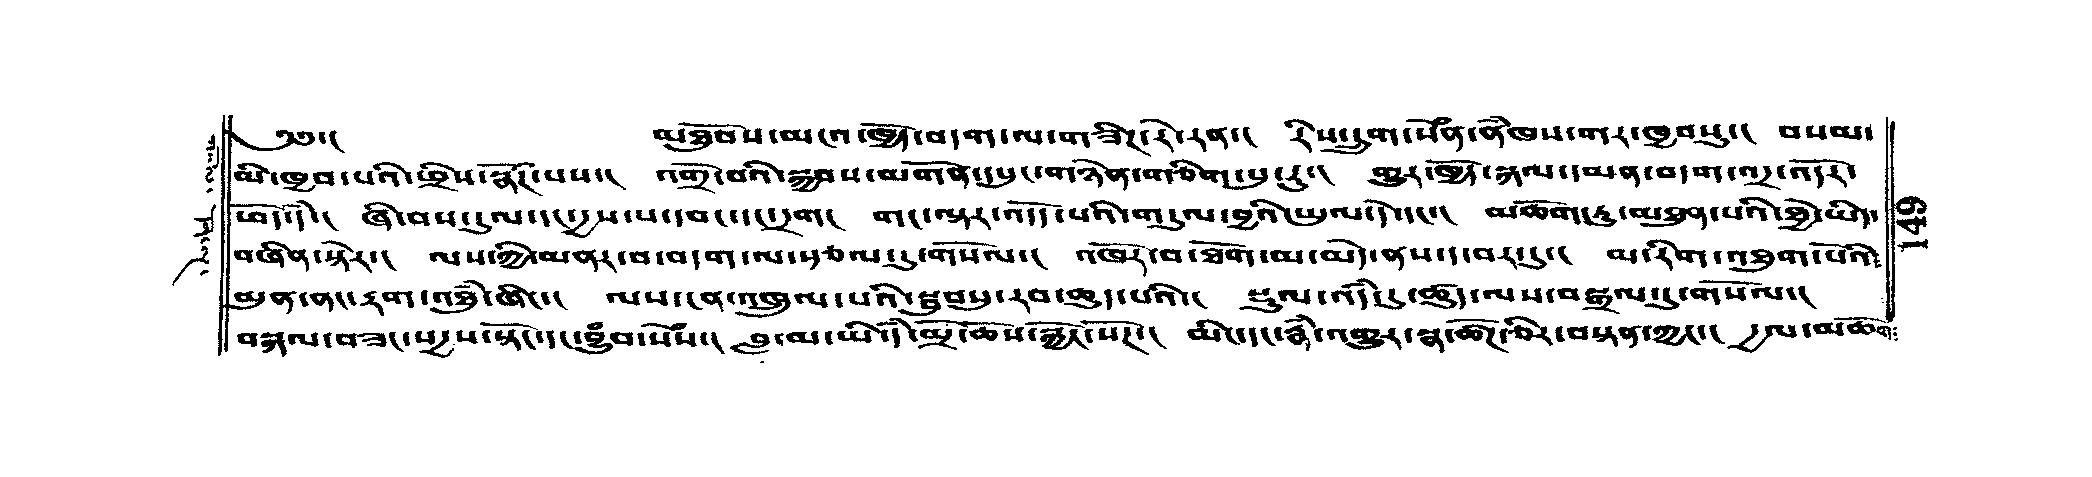།མཐུ་སྟོབས་མངའ་ཁྱོད་བདག་ལ་གཟིགས་རེ་རན། རིགས་དྲུག་སེམས་ཅན་ནམ་མཁས་གར་ཁྱབས་སུ། །བསམ་
མི་ཁྱབ་པའི་ཕྲིན་ལས་སྣ་ཚོགས་པས། །འགྲོ་བའི་སྐྱབས་མགོན་དཔུང་གཉེན་གཅིག་པུ་རུ། །གྱུར་ཁྱོད་སྐལ་དམན་བདག་འདྲ་འདོར་
ཕོད་དམ། །ཞི་བས་དུལ་དང་རྒྱས་པ་དབང་དང་དྲག །གང་ལྟར་འདོད་པའི་གདུལ་བྱའི་ཡུལ་དེ་དང་། །མཆོག་ཏུ་མཐུན་པའི་ཐུགས་རྗེ་ཡིད་
བཞིན་སྟེར། །ལས་ཀྱི་མནར་བ་བདག་ལ་སྩལ་དུ་གསོལ། །འཁོར་བ་ཐོག་མ་མེད་ནས་ད་བར་དུ། །མ་རིག་འཐུག་པོའི་
མུན་ནང་རྟག་འཐུམ་ཞིང་། །ལས་ངན་འཁྲུལ་པའི་སྦུབས་སུ་རབ་ཆུད་པའི། །སྡུག་བསྔལ་འདམ་དུ་ཚུད་ལས་བསྒྲལ་དུ་གསོལ། །
བསྐལ་བཟང་སངས་རྒྱས་སྟོང་དང་བྱང་ཆུབ་སེམས། །བླ་མ་ཡི་དམ་མཁའ་འགྲོ་ཆོས་སྐྱོང་སོགས། །མིང་དང་རྣམ་འགྱུར་སྣ་ཚོགས་ཅི་བསྟན་ཀྱང་། །རྒྱལ་མཆོག་